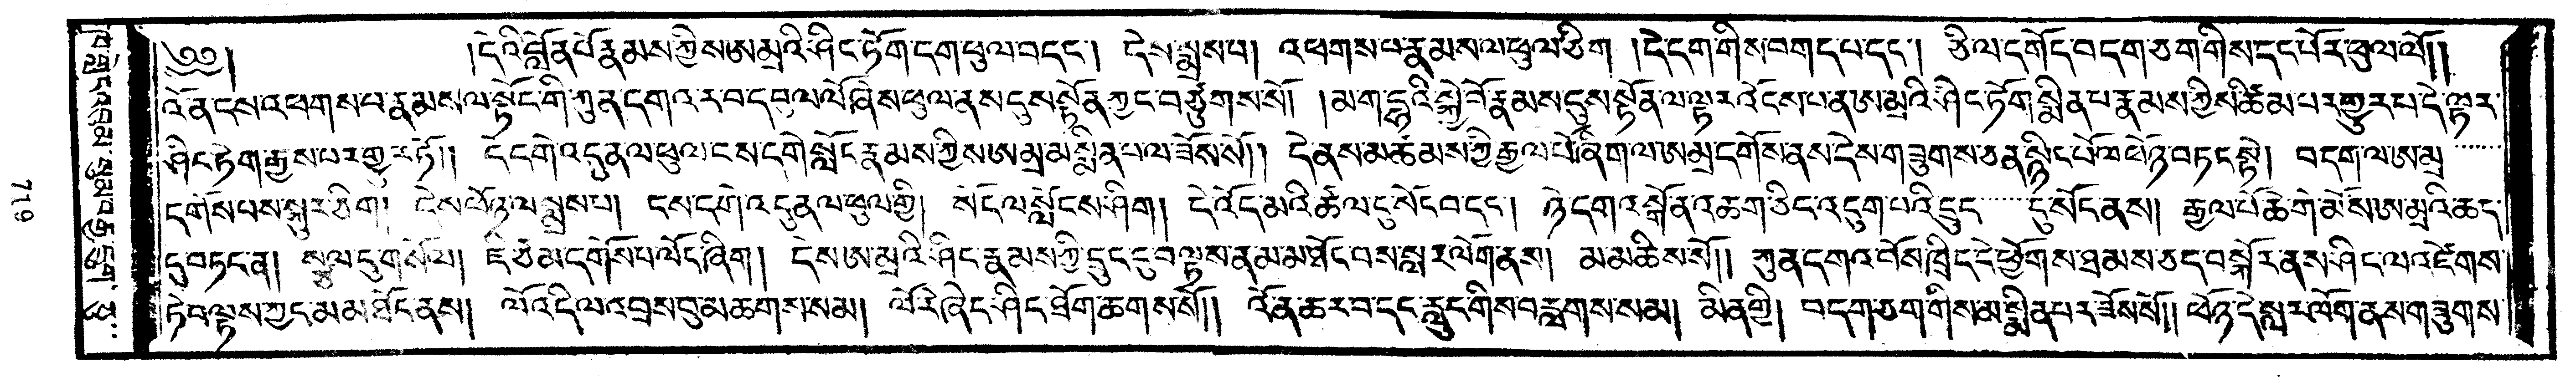༄༅། །དེའི་བློན་པོ་རྣམས་ཀྱིས་ཨ་མྲའི་ཤིང་ཏོག་དག་ཕུལ་བ་དང་། དེས་སྨྲས་པ། འཕགས་པ་རྣམས་ལ་ཕུལ་ཅིག །དེ་དག་གིས་བགད་པ་དང་། ཅི་ལ་དགོད་བདག་ཅག་གིས་དང་པོར་ཕུལ་ལོ།།
འོ་ན་ངས་འཕགས་པ་རྣམས་ལ་སྟོང་གི་ཀུན་དགའ་ར་བ་དབུལ་ལོ་ཞེས་ཕུལ་ནས་དུས་སྟོན་ཀྱང་བཙུགས་སོ། །མ་ག་དྷའི་སྐྱེ་བོ་རྣམས་དུས་སྟོན་ལ་ལྟར་འོངས་པ་ན་ཨ་མྲའི་ཤིང་ཏོག་སྨིན་པ་རྣམས་ཀྱིས་ཚིམ་པར་གྱུར་པ་དེ་ལྟར་
ཤིང་ཏོག་རྒྱས་པར་གྱུར་ཏོ།། དེ་དགེ་འདུན་ལ་ཕུལ་ངས་དགེ་སློང་རྣམས་ཀྱིས་ཨ་མྲ་མ་སྨིན་པ་ལ་ཟོས་སོ།། དེ་ནས་མཚམས་ཀྱི་རྒྱལ་པོ་ཞིག་ལ་ཨ་མྲ་དགོས་ནས་དེས་གཟུགས་ཅན་སྙིང་པོ་ལ་ཕོ་ཉ་བཏང་སྟེ། བདག་ལ་ཨ་མྲ་
དགོས་པས་སྐུར་ཅིག། དེས་ཕོ་ཉ་ལ་སྨྲས་པ། ངས་དགེ་འདུན་ལ་ཕུལ་གྱི། སོང་ལ་སློངས་ཤིག། དེ་འོད་མའི་ཚལ་དུ་སོང་བ་དང་། ཉེ་དགའ་སྒོ་ན་འཆག་ཅིང་འདུག་པའི་དྲུང་དུ་སོང་ནས། རྒྱལ་པོ་ཆེ་གེ་མོ་ས་ཨ་མྲའི་ཆད་
དུ་བཏང་ན། སྩལ་དུ་གསོལ། ཇི་ཙམ་དགོས་པ་ལོང་ཞིག། དེས་ཨ་མྲའི་ཤིང་རྣམས་ཀྱི་དྲུང་ངུ་བལྟས་ན་མ་མཐོང་བས་སླར་ལོག་ནས། མ་མཆིས་སོ།། ཀུན་དགའ་བོས་ཁྲིད་དེ་ཕྱོགས་ཐམས་ཅད་བསྐོར་ནས་ཤིང་ལ་འཛེགས་
ཏེ་བལྟས་ཀྱང་མ་མཐོང་ནས། ལོ་འདི་ལ་འབྲས་བུ་མ་ཆགས་སམ། ལོ་རེ་ཞིང་ཤིང་ཐོག་ཆགས་སོ།། འོ་ན་ཆར་བ་དང་རླུང་གིས་བརླགས་སམ། མིན་གྱི། བདག་ཅག་གིས་མ་སྨིན་པར་ཟོས་སོ།། ཕོ་ཉ་དེ་སླར་ལོག་ནས་གཟུགས་